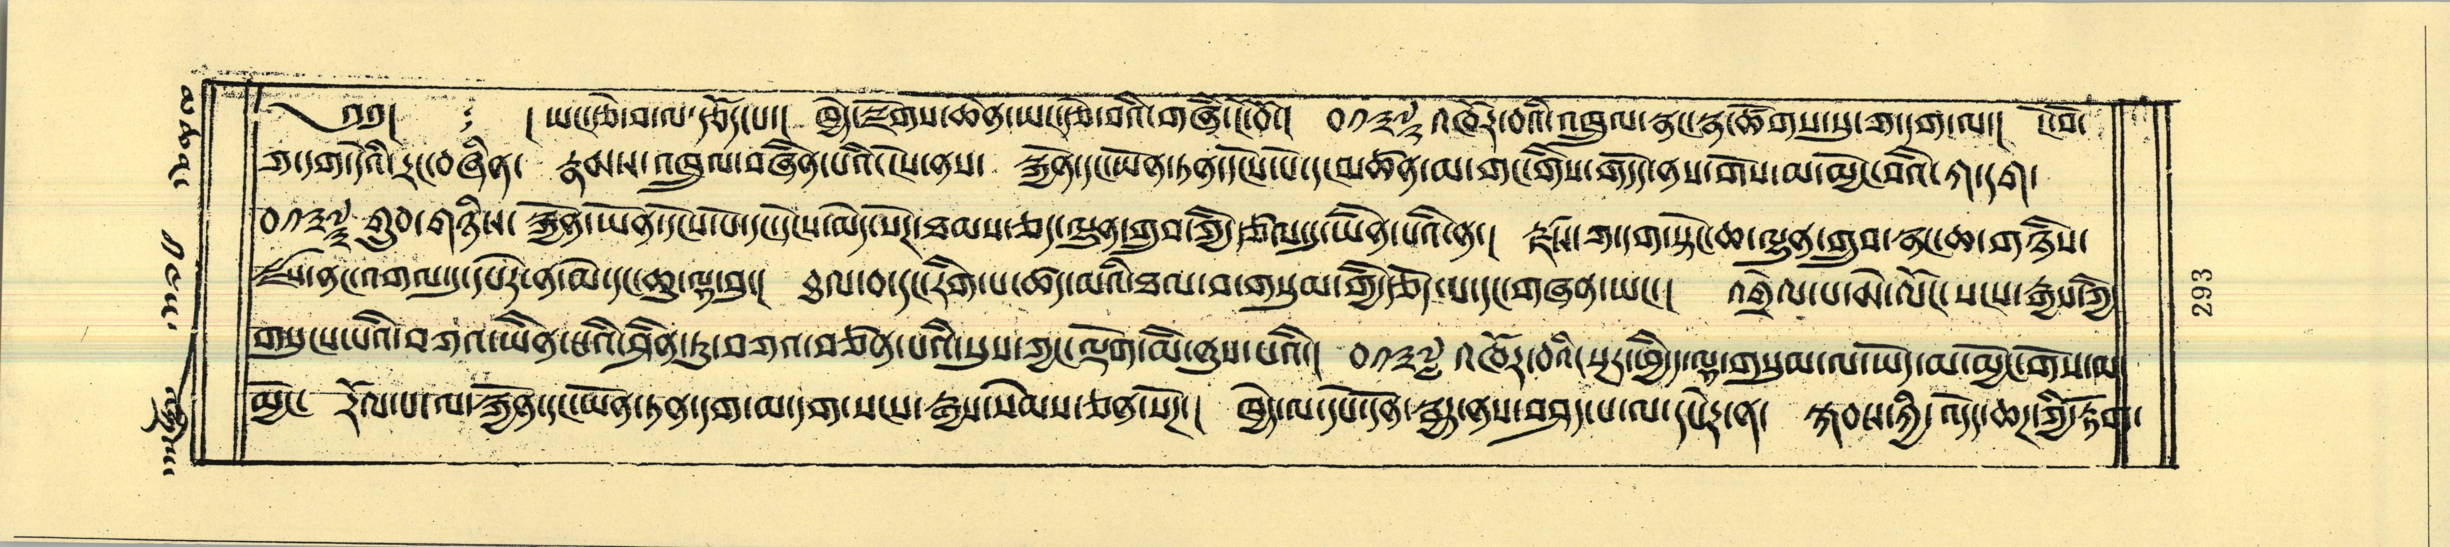ཡང་རྩེ་བ་ལ་ ༼རྩོད་པ།༽ཁྱེད་སྫོགས་ཆེན་ཡང་རྩེ་བའི་གཞི་ ༼ངོ་བོ།༽བ༡༣༧།༢ ༼འཁོར་བའི་༽འཁྲུལ་སྣང་སྣ་ཚོགས་སུ་ཀ་དག་ལ། ངོ་བོ་
ཀ་དག་དེའི་ ༼རང་བཞིན།༽ ༼རྣམས་༽འཁྲུལ་བཞིན་པའི་ངོས་ནས། སྐྱོན་དང་ཡོན་ཏན་དངོས་པོ་དང་མཚན་མ་གང་གིས་གདོད་ནས་གོས་མ་མྱོང་བའི་ ༼ཀ་དག་
༽བ༡༣༧།༣ ༼གྲུབ་གཉིས་༽སྐྱོན་ཡོན་དངོས་པོ་དང་དངོས་མེད་སོགས་ཐམས་ཅད་ལྷུན་གྲུབ་ཀྱི་རྩལ་དུ་ཡིན་པའི་ན། རྫས་ཀ་དག་སྟོང་ཆ་ལྷུན་གྲུབ་སྣང་ཆ་གཉིས་
རྫས་ནང་འགལ་དུ་ ༼དཔེར་ན་༽མེ་དང་ཆུ་ལྟ་བུ། ༼ཐལ་བ་དང་༽རིག་པ་ཚད་མའི་ཐལ་བ་གསུམ་གྱི་རྩོད་པ་དང་གཞན་ཡང། ༼འགྲེལ་པ་མེ་ལོང་༽སངས་རྒྱས་ཀྱི་
གསུངས་པའི་བཀའ་ཡིན་པའི་ཤིན་ཏུ་བཀའ་བཙན་པའི་སུས་ཀྱང་ལྡོག་མི་ནུས་པའི། བ༡༣༧།༤ ༼འཁོར་བའི་༽སྔར་ཕྱི་ད་ལྟ་གསུམ་ལ་ཡོད་མ་མྱོང་གོས་ལ་
མྱོང། ༼རོལ་པ་༽ལ་སྐྱོན་དང་ཡོན་ཏན་དག་མ་དག་སངས་རྒྱས་སེམས་ཅན་སོགས། ཁྱེད་ལ་དཔེ་དོན་སྦྱར་ནས་བཤད་པ་ལ་ ༼དཔེར་ན།༽ ༼སྐབས་ཀྱི་༽འདོད་ཆགས་ཀྱི་རྟོག་